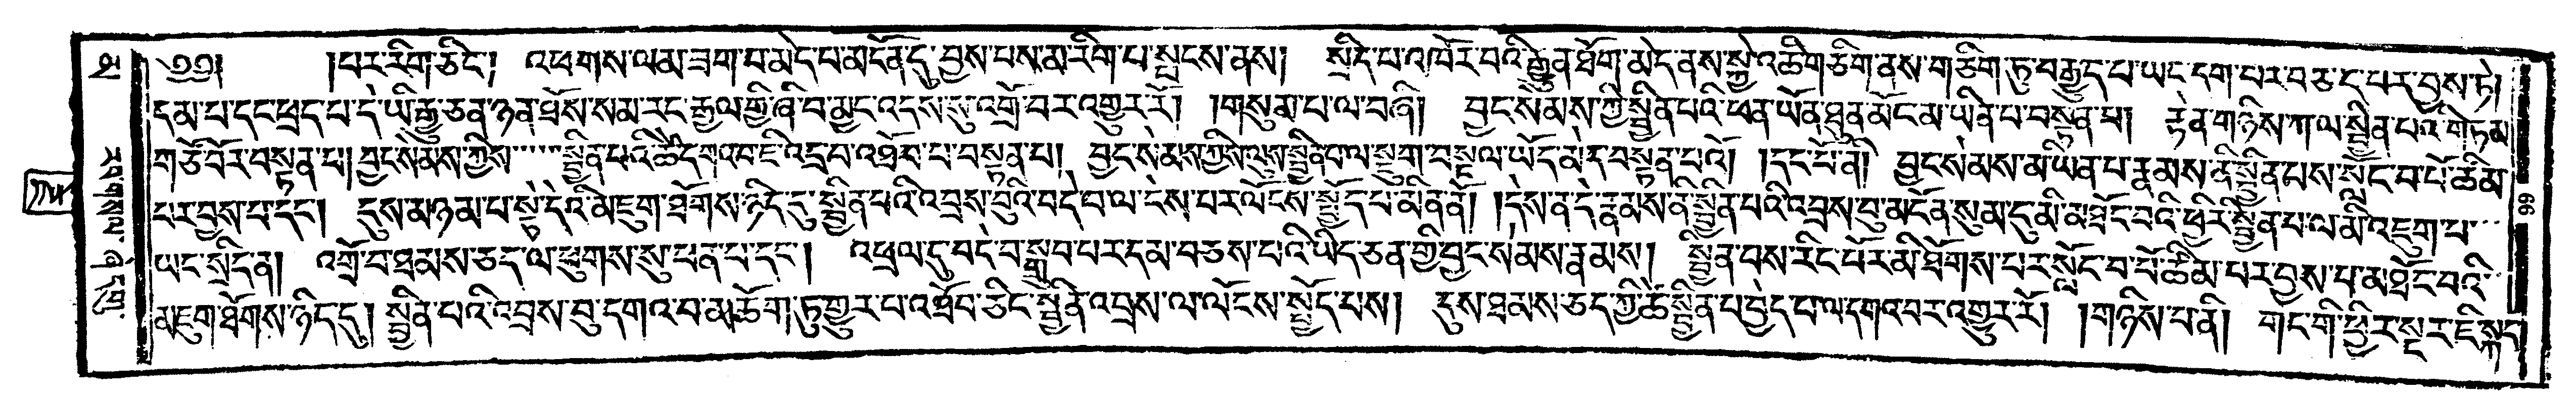༄༅། །པར་རིག་ཅིང་། འཕགས་ལམ་ཟག་པ་མེད་པ་མངོན་དུ་བྱས་པས་མ་རིག་པ་སྤངས་ནས། སྲིད་པ་འཁོར་བའི་རྒྱུན་ཐོག་མེད་ནས་སྐྱེ་འཆི་གཅིག་ནས་གཅིག་ཏུ་བརྒྱུད་པ་ཡང་དག་པར་བཅད་པར་བྱས་ཏེ།
དམ་པ་དང་ཕྲད་པ་དེ་ཡི་རྒྱུ་ཅན་ཉན་ཐོས་སམ་རང་རྒྱལ་གྱི་ཞི་བ་མྱང་འདས་སུ་འགྲོ་བར་འགྱུར་རོ། །གསུམ་པ་ལ་བཞི། བྱང་སེམས་ཀྱི་སྦྱིན་པའི་ཕན་ཡོན་ཐུན་མོང་མ་ཡིན་པ་བསྟན་པ། རྟེན་གཉིས་ཀ་ལ་སྦྱིན་པའི་གཏམ་
གཙོ་བོར་བསྟན་པ། བྱང་སེམས་ཀྱིས་སྦྱིན་པའི་ཚེ་དགའ་བ་ཇི་འདྲ་བ་འཐོབ་པ་བསྟན་པ། བྱང་སེམས་ཀྱིས་ལུས་སྦྱིན་པ་ལ་སྡུག་བསྔལ་ཡོད་མེད་བསྟན་པའོ། །དང་པོ་ནི། བྱང་སེམས་མ་ཡིན་པ་རྣམས་ནི་སྦྱིན་པས་སློང་བ་པོ་ཚིམ་
པར་བྱས་པ་དང་། དུས་མཉམ་པ་སྟེ་དེའི་མཇུག་ཐོགས་ཉིད་དུ་སྦྱིན་པའི་འབྲས་བུའི་བདེ་བ་ལ་ངེས་པར་ལོངས་སྤྱོད་པ་མིན་ནོ། །དེས་ན་དེ་རྣམས་ནི་སྦྱིན་པའི་འབྲས་བུ་མངོན་སུམ་དུ་མི་མཐོང་བའི་ཕྱིར་སྦྱིན་པ་ལ་མི་འཇུག་པ་
ཡང་སྲིད་ན། འགྲོ་བ་ཐམས་ཅད་ལ་ཕུགས་སུ་ཕན་པ་དང་། འཕྲལ་དུ་བདེ་བ་སྒྲུབ་པར་དམ་བཅས་པའི་ཡིད་ཅན་གྱི་བྱང་སེམས་རྣམས། སྦྱིན་པས་རིང་པོར་མི་ཐོགས་པར་སློང་བ་པོ་ཚིམ་པར་བྱས་པ་མཐོང་བའི་
མཇུག་ཐོགས་ཉིད་དུ། སྦྱིན་པའི་འབྲས་བུ་དགའ་བ་མཆོག་ཏུ་གྱུར་བ་འཐོབ་ཅིང་སྦྱིན་འབྲས་ལ་ལོངས་སྤྱོད་པས། དུས་ཐམས་ཅད་ཀྱི་ཚེ་སྦྱིན་པ་བྱེད་པ་ལ་དགའ་བར་འགྱུར་རོ། །གཉིས་པ་ནི། གང་གི་ཕྱིར་སྔར་ཇི་སྐད་